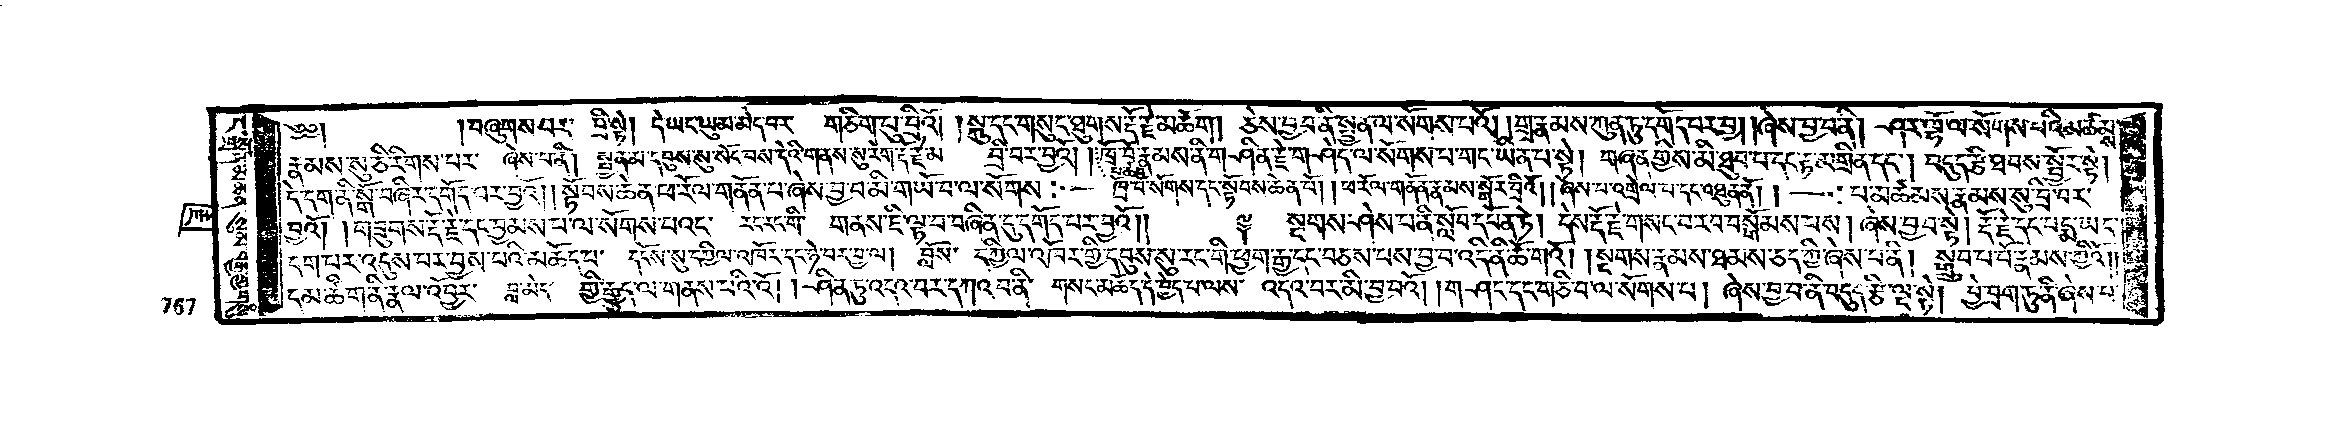༄༅། །བཞུགས་པར་བྲི་སྟེ། དེ་ཡང་ཡུམ་མེད་པར་གཅིག་པུ་བྲིའོ། །སྐུ་དང་གསུང་ཐུགས་རྡོ་རྗེ་མཆོག། ཅེས་བྱ་བ་ནི་སྤྱན་ལ་སོགས་པའོ། །གྲྭ་རྣམས་ཀུན་ཏུ་དགོད་པར་བྱ། །ཞེས་བྱ་བ་ནི། ཤར་ལྷོ་ལ་སོགས་པའི་མཚམས་
རྣམས་སུ་ཅི་རིགས་པར་ཞེས་པ་ནི། སྤྱན་མ་དབུས་སུ་སོང་བས་དེའི་གནས་སུ་རེག་རྡོ་རྗེ་མ་བྲི་བར་བྱའོ། །ཁྲོ་བོ་རྣམས་ནི་གཤིན་རྗེ་གཤེད་ལ་སོགས་པ་གང་ཡིན་པ་སྟེ། གཞན་གྱིས་མི་ཐུབ་པ་དང་རྟ་མགྲིན་དང་། བདུད་རྩི་ཐབས་སྦྱོར་སྟེ།
དེ་དག་ནི་སྒོ་བཞིར་དགོད་པར་བྱའོ། །སྟོབས་ཆེན་ཕ་རོལ་གནོན་པ་ཞེས་བྱ་བ་མི་གཡོ་བ་ལ་སོགསཿ་ཁྲོ་བོ་སོགས་དང་སྟོབས་ཆེན་པོ། །ཕ་རོལ་གནོན་རྣམས་སྒོར་བྲིའོ། །ཞེས་པ་འགྲེལ་པ་དང་འཐུན་ནོ། །.H པ་མཚམས་རྣམས་སུ་བྲི་བར་
བྱའོ། །གཟུགས་རྡོ་རྗེ་དང་བྱམས་པ་ལ་སོགས་པའང་རང་རང་གི་གནས་ཇི་ལྟ་བ་བཞིན་དུ་དགོད་པར་བྱའོ།། ༈ སྔགས་ཤེས་པ་ནི་སློབ་དཔོན་ཏེ། དེས་རྡོ་རྗེ་གསང་བ་རབ་བསྒོམས་པས། ཞེས་བྱ་བ་སྟེ། རྡོ་རྗེ་དང་པདམ་ཡང་
དག་པར་འདུས་པར་བྱས་པའི་མཆོད་པ་དངོས་སུ་དཀྱིལ་འཁོར་དང་ཉེ་བར་བྱ་ལ། བློས་དཀྱིལ་འཁོར་གྱི་དབུས་སུ་རང་གི་ཕྱག་རྒྱ་དང་བཅས་པས་བྱ་བ་འདི་ནི་ཆོ་གའོ། །སྔགས་རྣམས་ཐམས་ཅད་ཀྱི་ཞེས་པ་ནི། སྒྲུབ་པ་པོ་རྣམས་ཀྱིའོ།།
དམ་ཚིག་ནི་རྣལ་འབྱོར་བླ་མེད་གྱི་རྒྱུད་ལ་གནས་པའི་འོ། །ཤིན་ཏུ་འདའ་བར་དཀའ་བ་ནི་གསང་མཆོད་དེ་བྱེད་པ་ལས་འདའ་བར་མི་བྱ་བའོ། །གཤང་དང་གཅི་བ་ལ་སོགས་པ། ཞེས་བྱ་བ་ནི་བདུད་རྩེ་ལྔ་སྟེ། བྱེ་བྲག་ཏུ་ནི་ཞེས་པ་